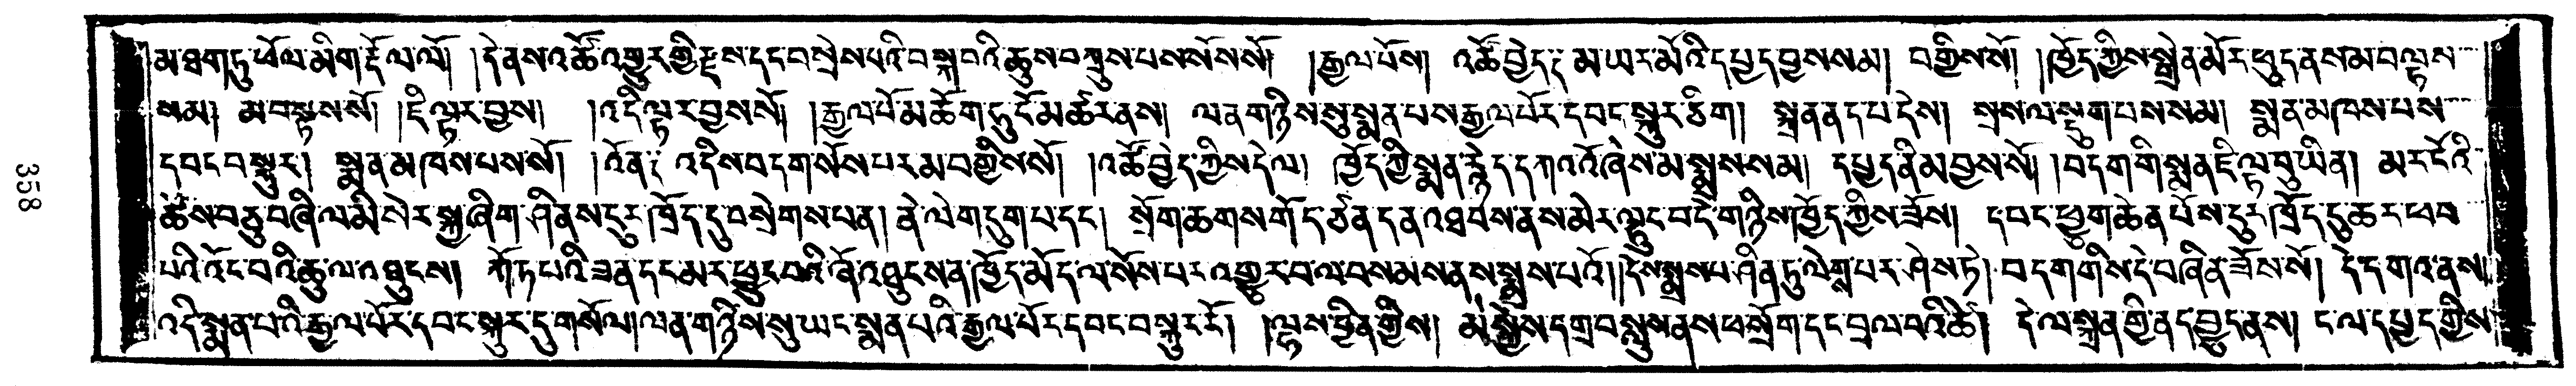མ་ཐག་ཏུ་ཕོལ་མིག་རྡོལ་ལོ། །དེ་ནས་འཚོ་འགྱུར་གྱི་རྫས་དང་བསྲེས་པའི་བསྐ་བའི་ཆུས་བཀྲུས་པས་སོས་སོ། །རྒྱལ་པོས། འཚོ་བྱེད༑ མ་ཡར་མོའི་དཔྱད་བྱས་སམ། བགྱིས་སོ། །ཁྱོད་ཀྱིས་སྒྲེན་མོར་ཕུད་ནས་མ་བལྟས་
སམ༑ མ་བསྟས་སོ། །ཇི་ལྟར་བྱས། །འདི་ལྟར་བྱས་སོ། །རྒྱལ་པོ་མཆོག་ཏུ་ངོ་མཚར་ནས། ལན་གཉིས་སུ་སྨན་པས་རྒྱལ་པོར་དབང་སྐུར་ཅིག། སྐྲན་ནད་པ་དེས། སྲས་ལ་སྡུག་པས་སམ། སྨན་མཁས་པས་
དབང་བསྐུར། སྨན་མཁས་པས་སོ། །འོན༑ འདིས་བདག་སོས་པར་མ་བགྱིས་སོ། །འཚོ་བྱེད་ཀྱིས་དེ་ལ། ཁྱོད་ཀྱི་སྨན་རྙེད་དཀའ་འོ་ཞེས་མ་སྨྲས་སམ། དཔྱད་ནི་མ་བྱས་སོ། །བདག་གི་སྨན་ཇི་ལྟ་བུ་ཡིན། མར་ངོའི་
ཚེས་བཅུ་བཞི་ལ་མི་སེར་སྐྱ་ཞིག་ཤི་ནས་དུར་ཁྲོད་དུ་བསྲེགས་པ་ན། ནེ་ལེག་དུག་པ་དང་། སྲོག་ཆགས་གོད་ཙན་དན་འཐབས་ནས་མེར་ལྟུང་བ་དེ་གཉིས་ཁྱོད་ཀྱིས་ཟོས། དབང་ཕྱུག་ཆེན་པོས་དུར་ཁྲོད་དུ་ཆར་ཕབ་
པའི་འོང་བའི་ཆུ་ལ་འཐུངས། ཀོ་ཏ་པའི་ཟན་དང་མར་ཕྱུང་བའི་ཞོ་འཐུངས་ན་ཁྱོད་མོད་ལ་སོས་པར་འགྱུར་བ་ལ་བསམས་ནས་སྨྲས་པའོ། །དེས་སྨྲས་པ་ཤིན་ཏུ་ལེགས་པར་ཤེས་ཏེ། བདག་གིས་དེ་བཞིན་ཟོས་སོ། དེ་དགའ་ནས་
འདི་སྨན་པའི་རྒྱལ་པོར་དབང་སྐུར་དུ་གསོལ། ལན་གཉིས་སུ་ཡང་སྨན་པའི་རྒྱལ་པོར་དབང་བསྐུར་རོ། །ལྷས་བྱིན་གྱིས། མེ་སྐྱེས་དགྲ་བསླུས་ནས་ཕ་སྲོག་དང་བྲལ་བའི་ཚེ། དེ་ལ་སྐྲན་གྱི་ནད་བྱུང་ནས། ང་ལ་དཔྱད་གྱིས་